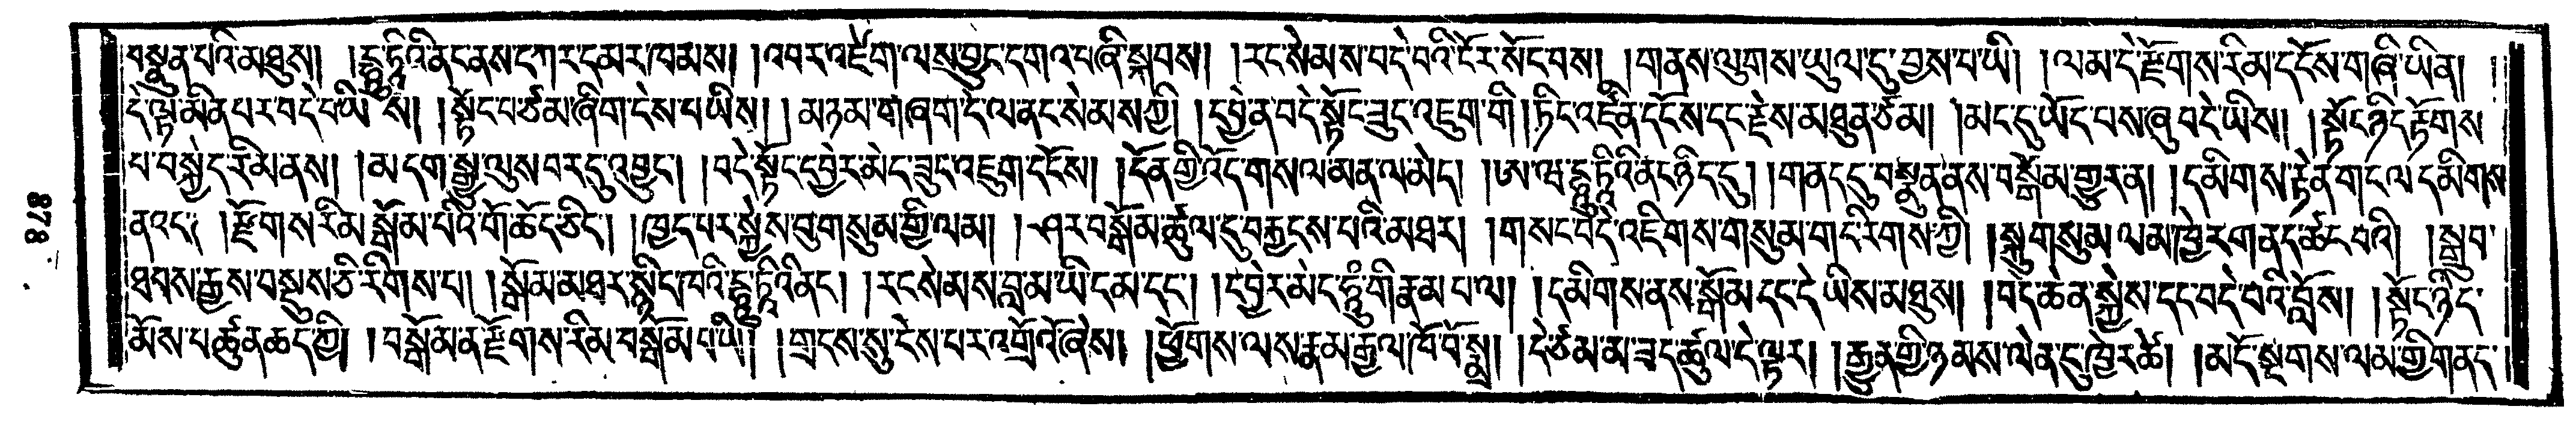བསྣུན་པའི་མཐུས། །དྷཱུ་ཏཱིའི་ནང་ནས་དཀར་དམར་ཁམས། །འབར་འཛེག་ལས་བྱུང་དགའ་བཞི་སྐབས། །རང་སེམས་བདེ་བའི་ངོར་སོང་བས། །གནས་ལུགས་ཡུལ་དུ་བྱས་པ་ཡི། །ལམ་དེ་རྫོགས་རིམ་དངོས་གཞི་ཡིན། །
དེ་ལྟ་མིན་པར་བདེ་བ་ཡིས། །སྟོང་པ་ཙམ་ཞིག་ངེས་པ་ཡིས། །མཉམ་གཞག་དེ་ལ་ནང་སེམས་ཀྱི། །དབྱེ་ན་བདེ་སྟོང་ཟུང་འཇུག་གི །ཏིང་འཛིན་དངོས་དང་རྗེས་མཐུན་ཙམ། །མང་དུ་ཡོད་པས་ཞུ་བདེ་ཡིས། །སྟོང་ཉིད་རྟོགས་
པ་བསྐྱེད་རིམ་ནས། །མ་དག་སྒྱུ་ལུས་བར་དུ་འབྱུང་། །བདེ་སྟོང་དབྱེར་མེད་ཟུང་འཇུག་དངོས། །དོན་གྱི་འོད་གསལ་མན་ལ་མེད། །ཨ་ཝ་དྷཱུ་ཏཱིའི་ནང་ཉིད་དུ། །གནད་དུ་བསྣུན་ནས་བསྒོམ་གྱུར་ན། །དམིགས་རྟེན་གང་ལ་དམིགས་
ནའང༑ ༑རྫོགས་རིམ་སྒོམ་པའི་གོ་ཆོད་ཅིང་། །ཁྱད་པར་སྐྱེས་བུ་གསུམ་གྱི་ལམ། །ཤར་བསྒོམ་ཚུལ་དུ་བརྐྱངས་པའི་མཐར། །གསང་བདེ་འཇིགས་གསུམ་གང་རིགས་ཀྱི། །སྐུ་གསུམ་ལམ་ཁྱེར་གནད་ཚང་བའི། །སྒྲུབ་
ཐབས་རྒྱས་བསྡུས་ཅི་རིགས་པ། །སྒོམ་མཐར་སྙིང་ཁའི་དྷཱུ་ཏཱིའི་ནང་། །རང་སེམས་བླ་མ་ཡི་དམ་དང་། །དབྱེར་མེད་ཧཱུཾ་གི་རྣམ་པ་ལ། །དམིགས་ནས་སྒོམ་དང་དེ་ཡིས་མཐུས། །བདེ་ཆེན་སྐྱེས་དང་བདེ་བའི་བློས། །སྟོང་ཉིད་
མོས་པ་ཚུན་ཆད་ཀྱི། །བསྒོམ་ན་རྫོགས་རིམ་བསྒོམ་པ་ཡི། །གྲངས་སུ་ངེས་པར་འགྲོའོ་ཞེས། །ཕྱོགས་ལས་རྣམ་རྒྱལ་ཁོ་བོ་སྨྲ། །དེ་ཙམ་མ་ཟད་ཚུལ་དེ་ལྟར། །རྒྱུན་གྱི་ཉམས་ལེན་དུ་ཁྱེར་ཚེ། །མདོ་སྔགས་ལམ་གྱི་གནད་